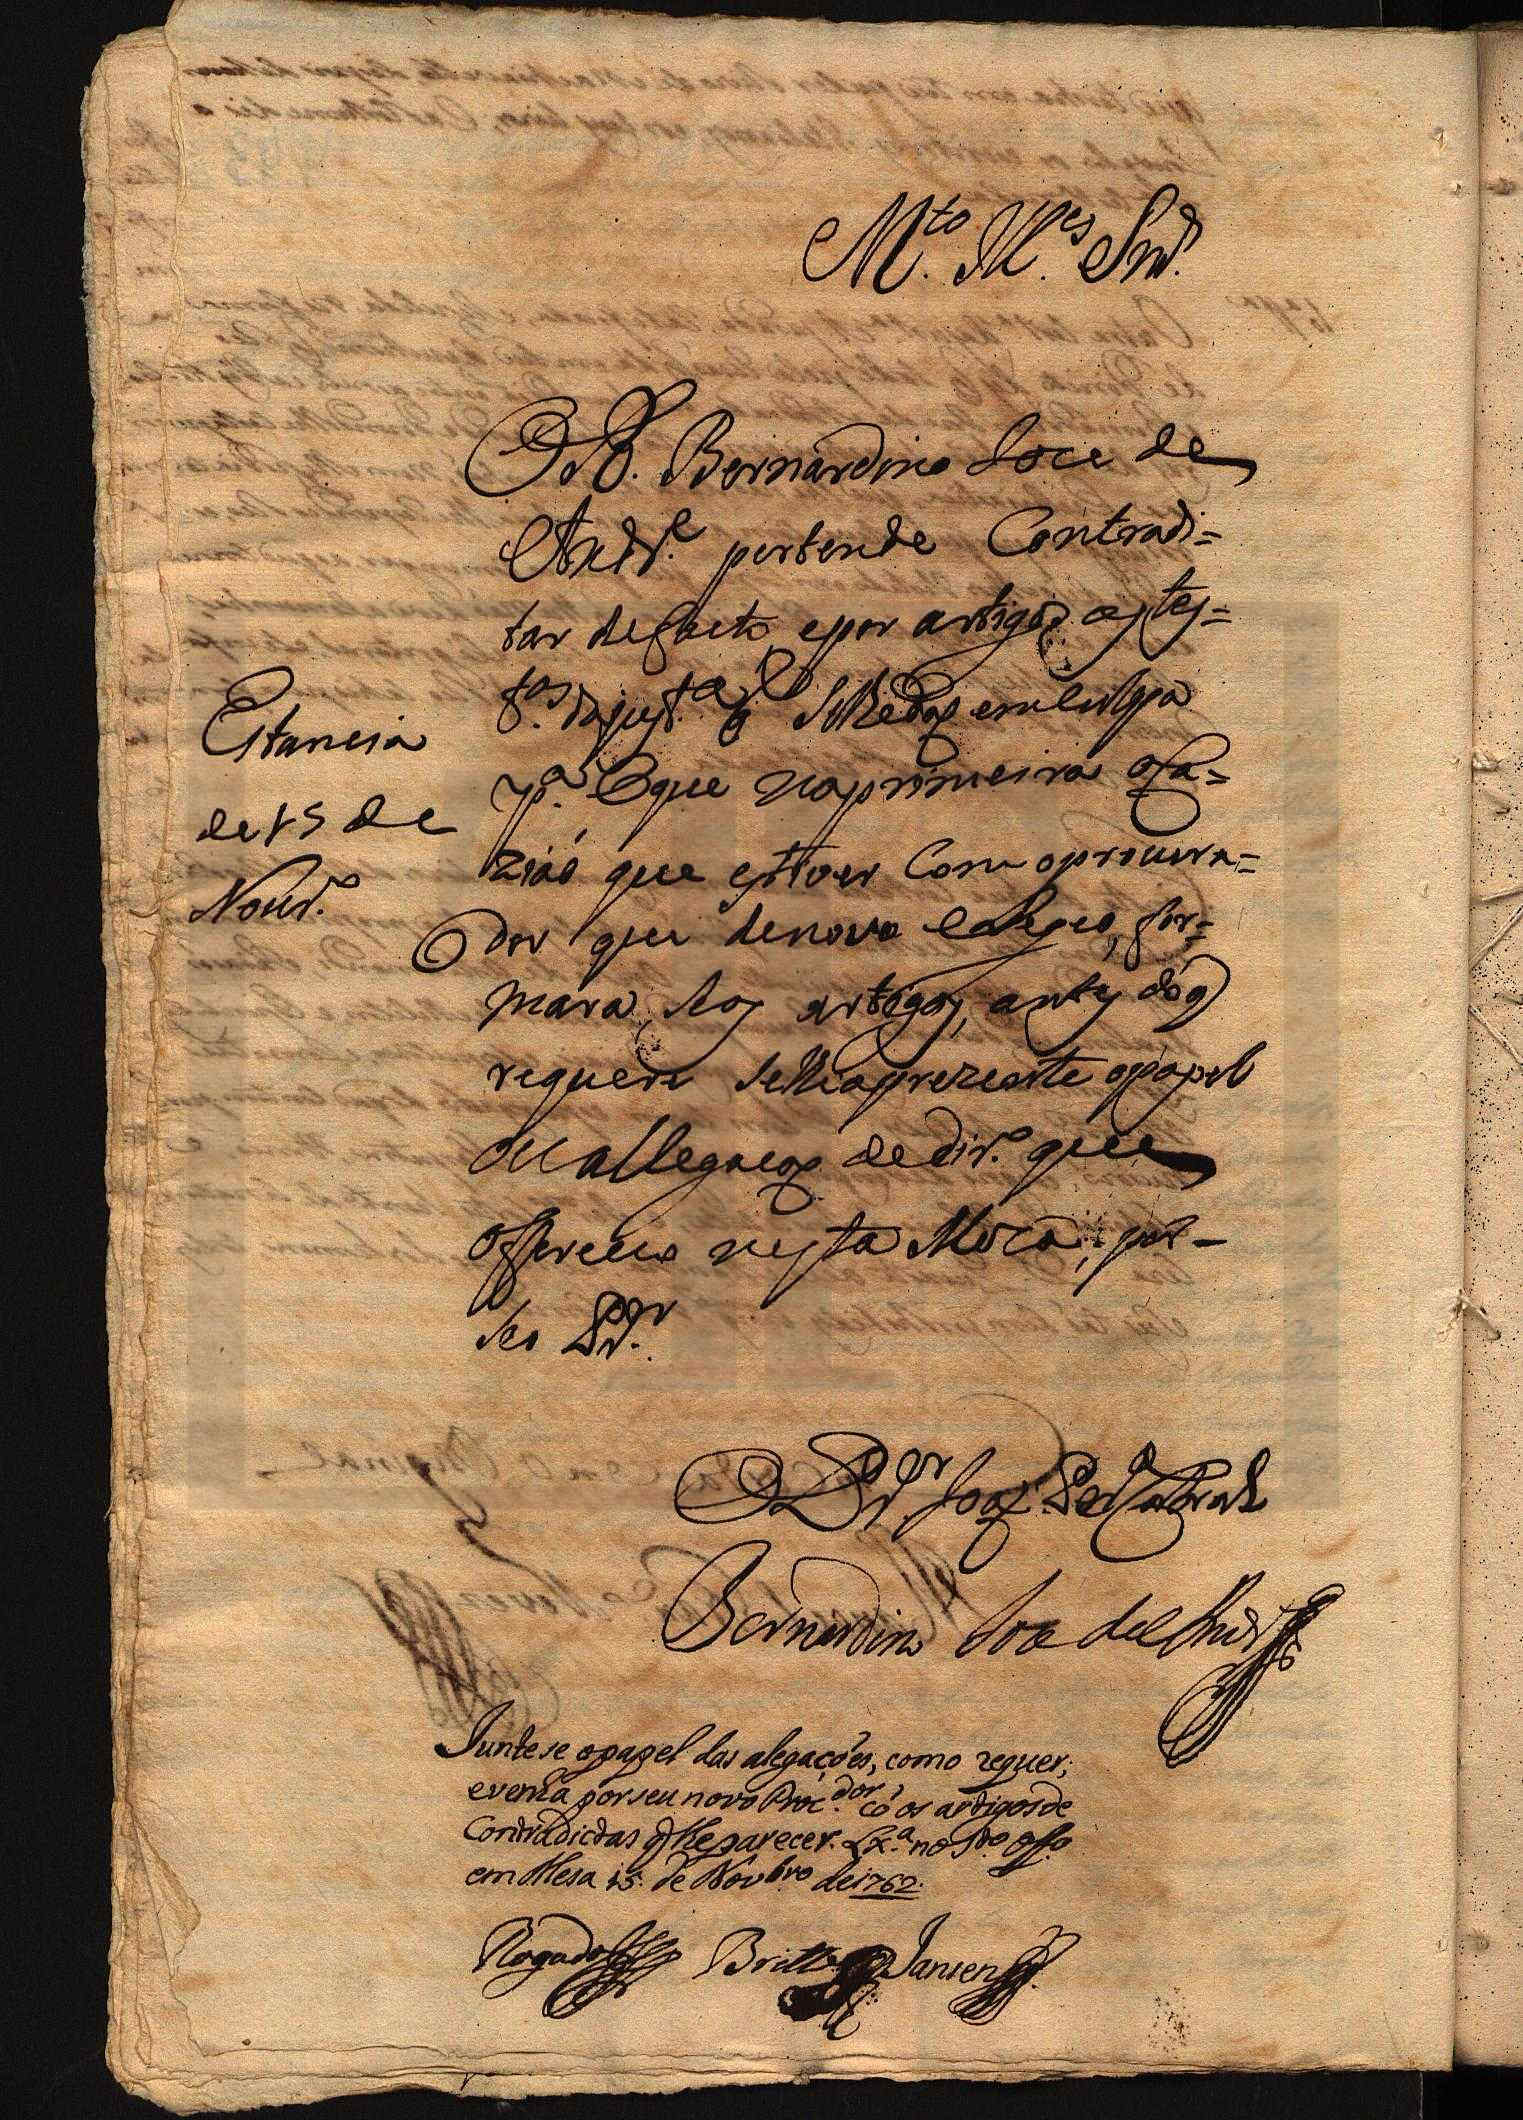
M.to Ill.es Snr.es
O P. Bernardino Ioze de
Andr.e pertende Contradi
tar de facto, e por artigos as tes
t.as da just.a q̄ selhedaꝭ em culpa
Estancia
p.a O que na primeira oCa
de 15 de
ziaõ que estiver Com o procura
Nour.o
dor que de novo eLegeo, for
mara seos artigos, antes do q̄
requere selheaprezente o papel
ou allegaçaꝭ. de dir.to que
offereceo nesta Meza; por
seo Pr.or
O Pr.or Joaõ Pera CabraL
Bernardino Ioze de Andr.e
Iunte se o papel das alegações, como requer;
e venha por seu novo Proc.dor cō os artigos de
contradictas q̄ lhe parecer. Lx.a no s.to Off.o
em Mesa i5. de Novbro de i762.
Rogado
Britto
Iansen
